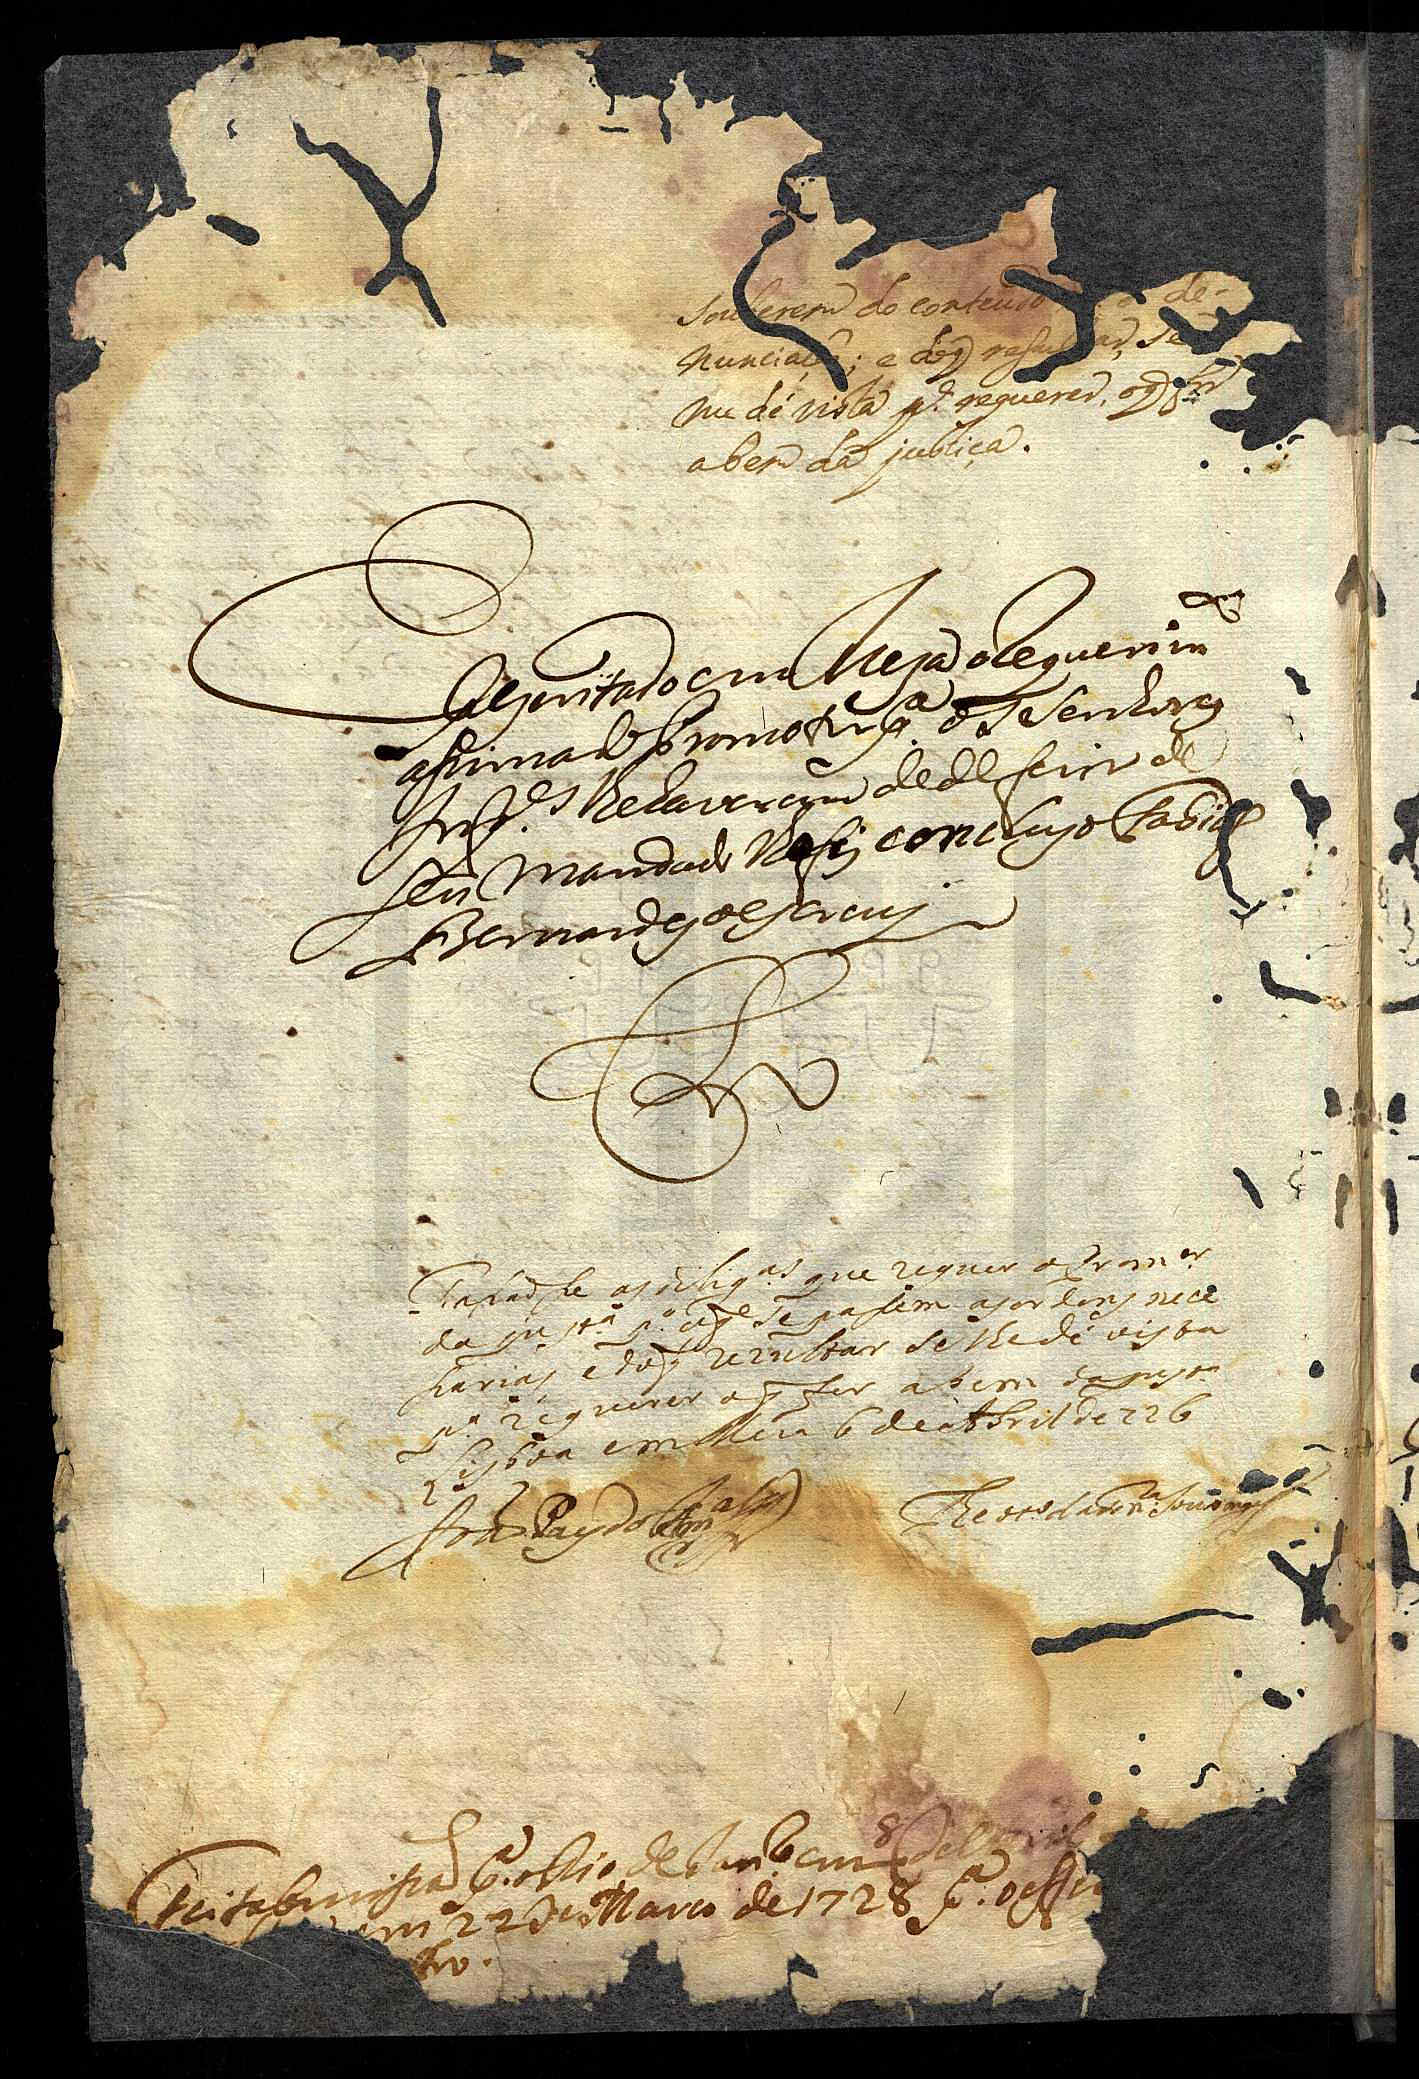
souberem do conteudo
o de
nunciaçaõ; e do q̄ resul_ar, se
me dé vista p.a requerer, o q̄ for
a bem da justiça.
E prezentado em Meza o Requerimto
assima do Promotor p.a os Senhores
Jnq.res lhe haverem de deferir de
seu mandado lho fis concluzo Fabiaõ
Bernardes o escreuj
CLo
Fassaõ sse as dilig.as que requer o Prom.or
da just.a p.a o q̄ se passem as ordens nece
ssarias, e do q̄ rezultar se lhe dé vista
pa. requerer o q̄ for a bem da just.a
Lisboa em Meza 6 de Abril de 726
Theot.o da Fonca. Soutomayor
Joaõ Paes do Am.al
Feita Comissaõ p.a o Rio de Ian.ro em 8 de Abril
m 22 de Março de 1728 p.a. o effe
tro.
